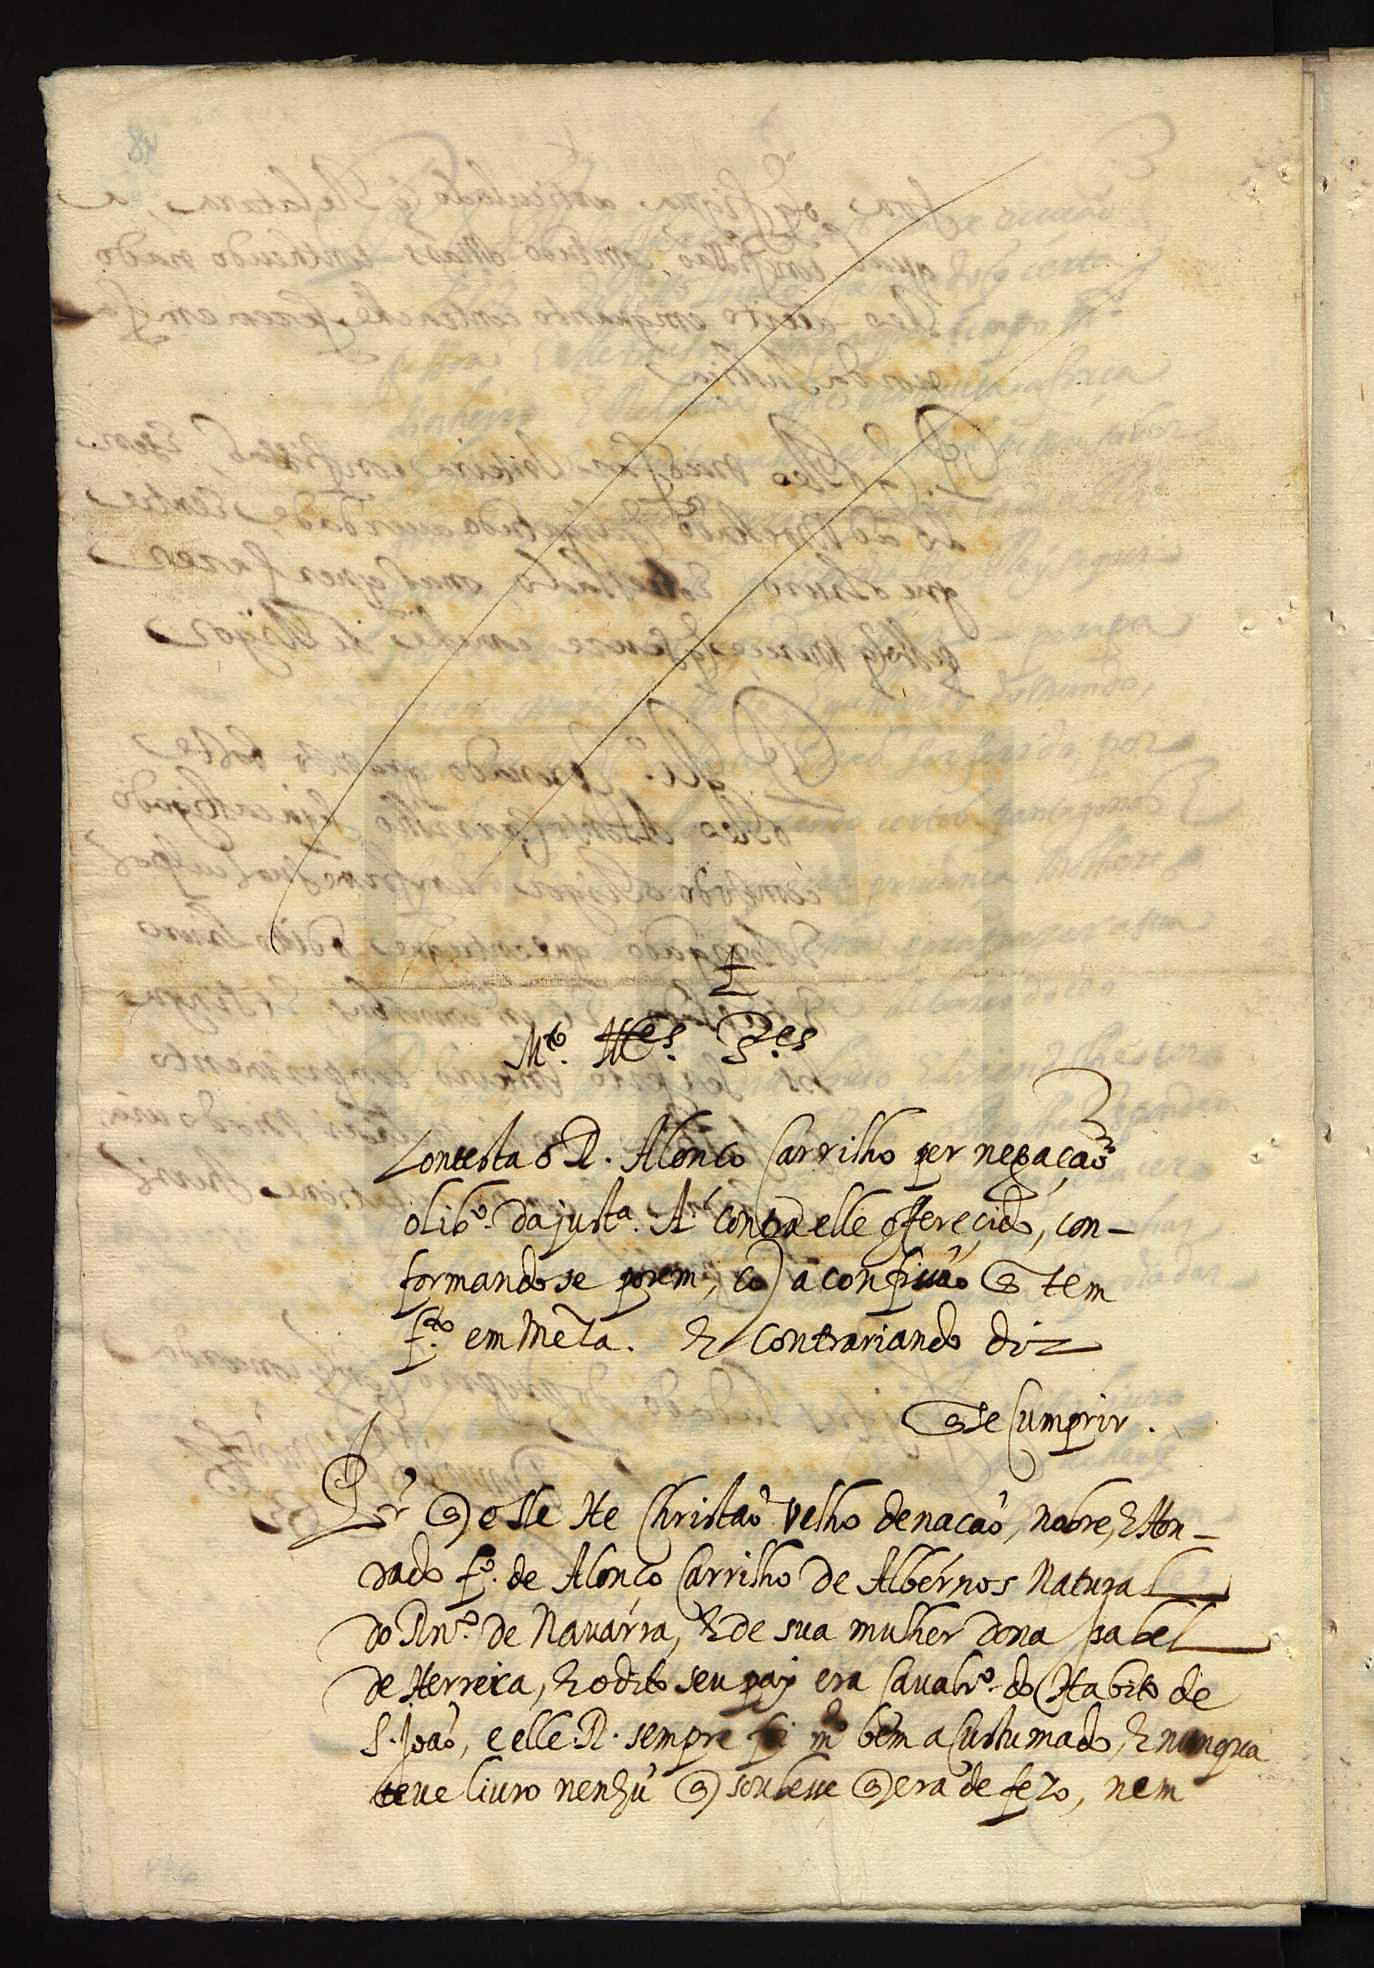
Mto. Illes. S.res
Contesta o R. Alonço Carrilho per negaçaõ
o Lib.o da just.a A. contra elle offerecido, con
formandose porem, cō a confissão q̄ tem
f.to em MeZa. E contrariando diz
q̄ se Cumprir.
Pr̄ q̄ elle He Christaõ velho de naçaõ, nobre, E Hon
rado fo. de Alonço Carrilho de Albernos naturaL
do Rn.o de Nauarra, E de sua mulher dona JsabeL
de Herrera, E o dito seu pay era Caualro. do Habito de
S. Joaõ, e elle R. sempre foi mto bem aCustumado, E nunqua
teue liuro nenhū q̄ soubesse q̄ era defezo, nem
